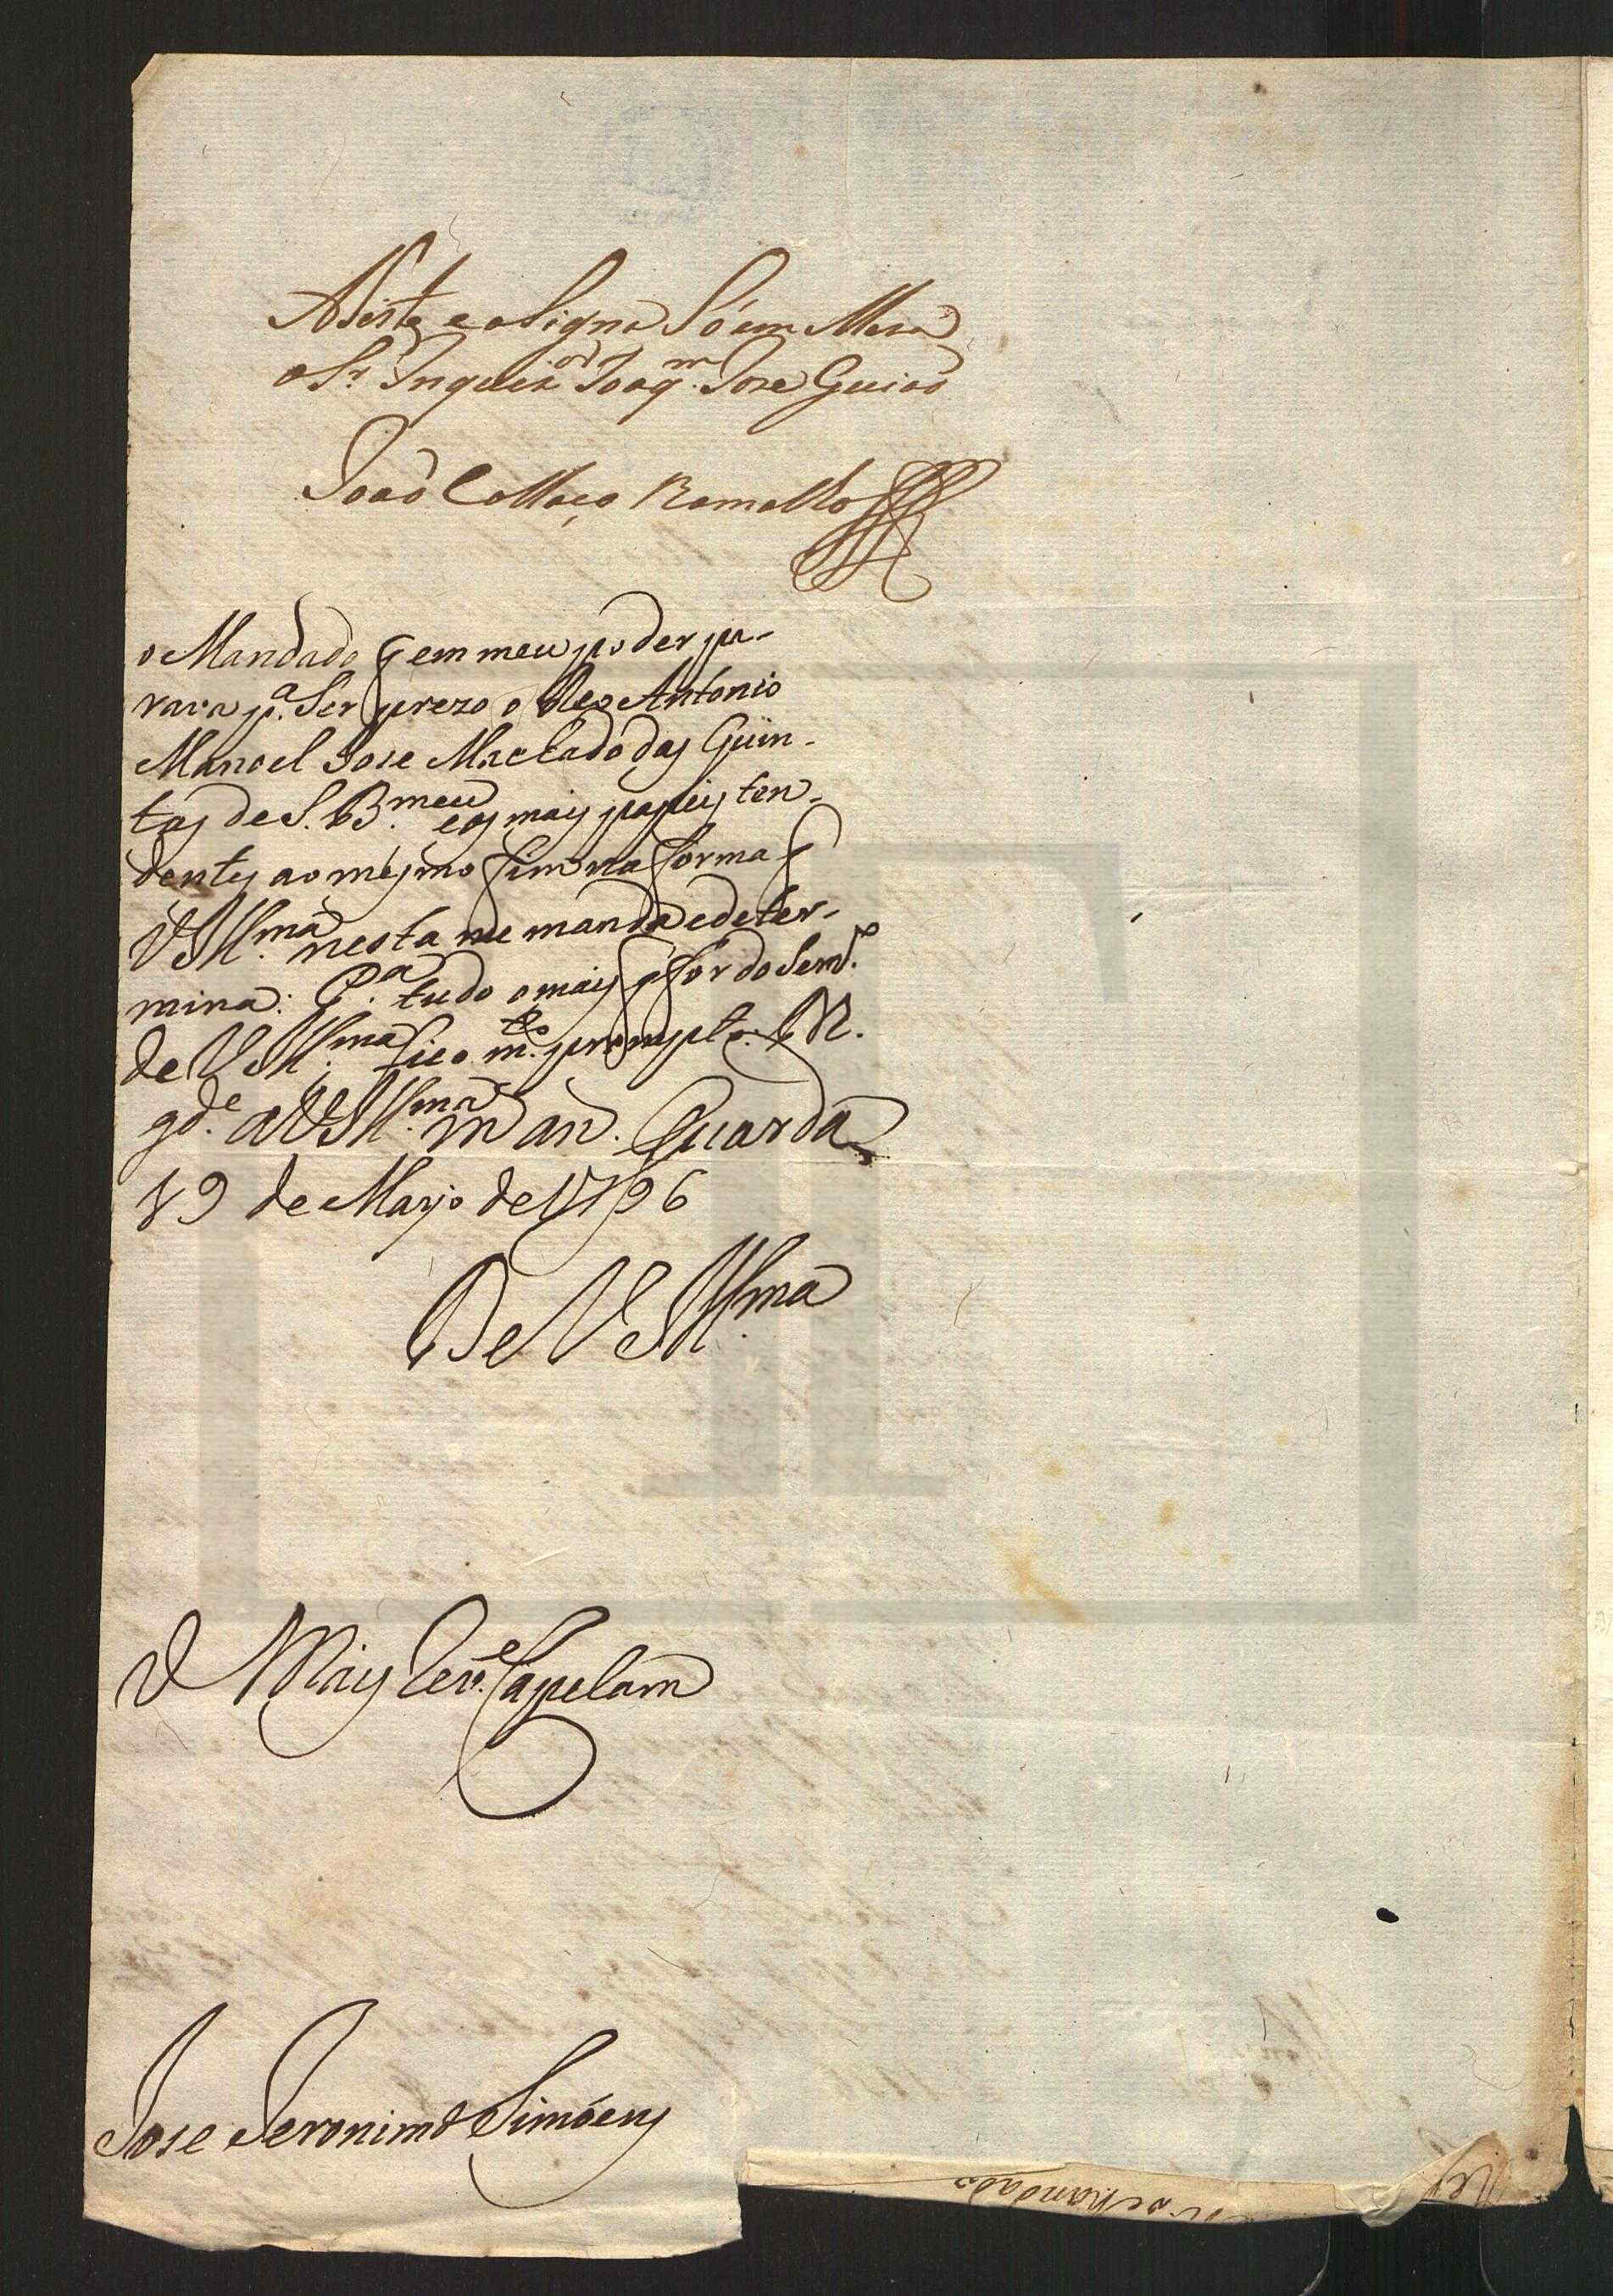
Asiste e aSigna Só em Meza
o S.r Inquizor Ioaq.m Ioze Guiaõ
Ioaõ Collaço Ramalho
o Mandado q̄ em meu poder pa
rava p.a ser prezo o Reo Antonio
Manoel Iose Machado das Quin
tas de S. B.meu e os mais papeis ten
dentes ao mesmo fim na forma q̄
V Ill.ma nesta me manda e deter
mina: P.a tudo o mais q̄ for do Serv.o
de V ll.ma fico m.to prompto D.s
gd.e a V Ill.ma m̄ an̄. Guarda
19 de Mayo de 1796
De V Ill.ma
O Mais Rev.e Capelam
Iose Ieronimo Simõens
